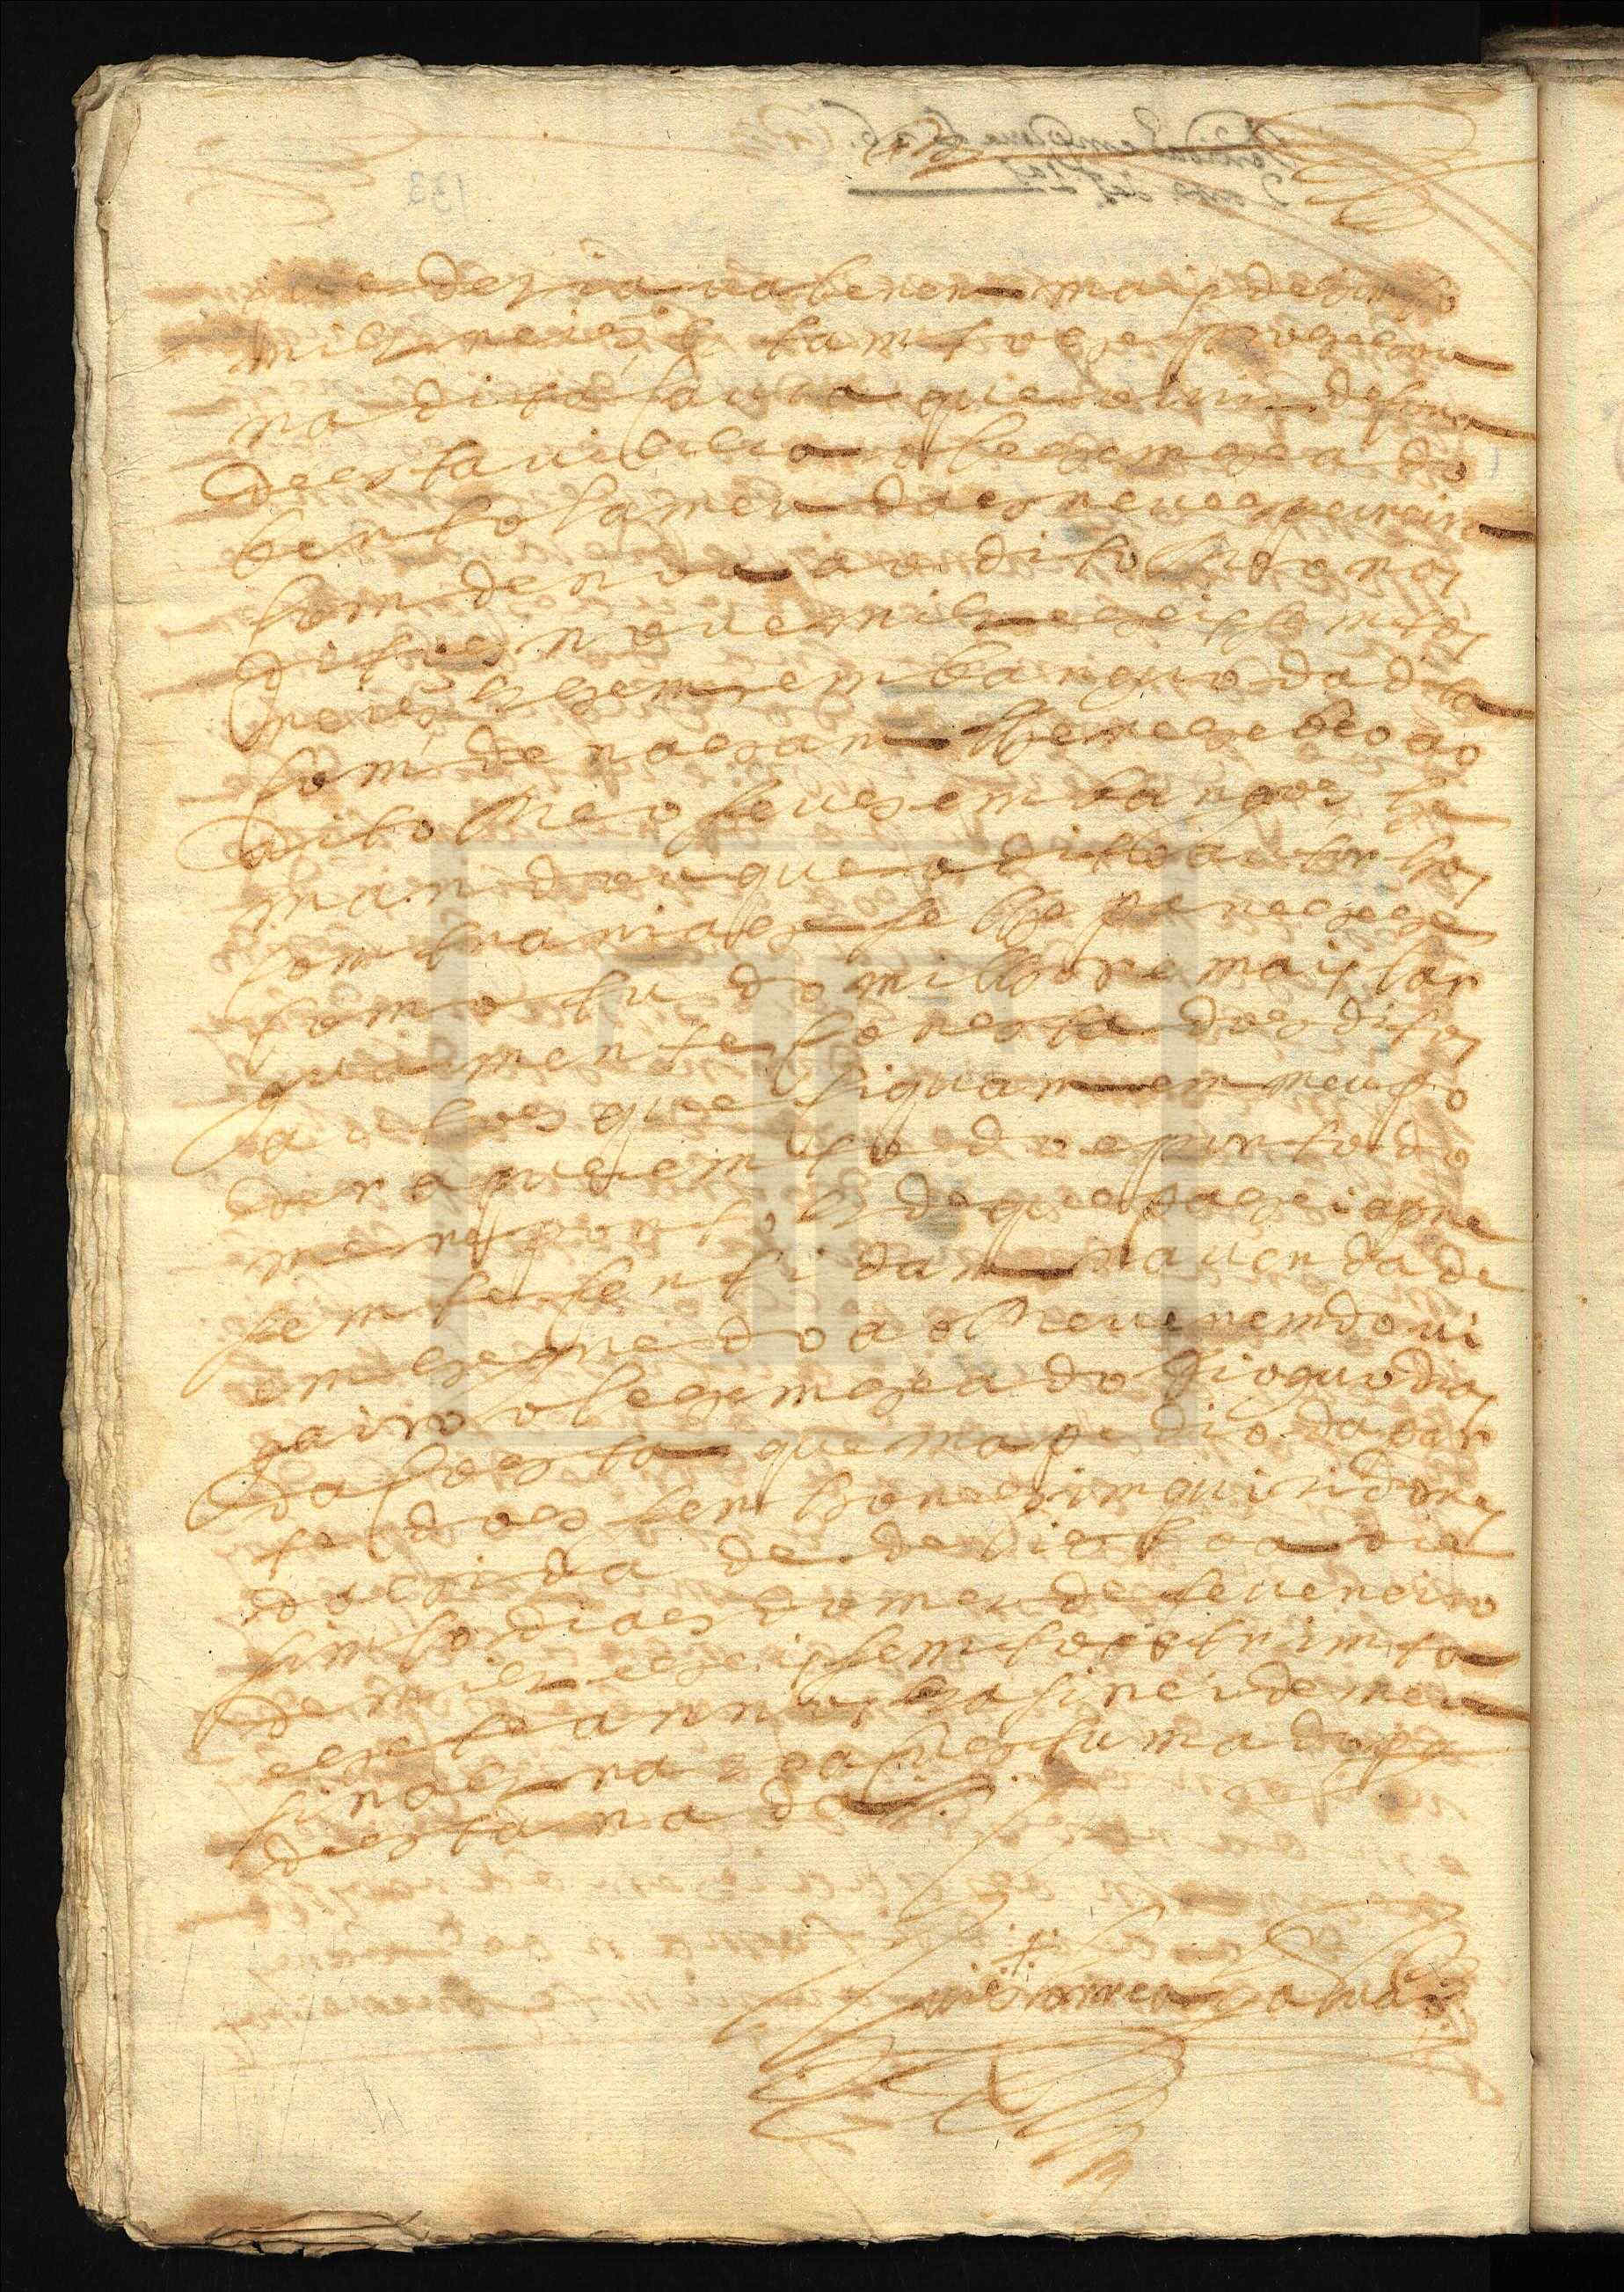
que dezia ualerem mais de simCo
mil reis, E tamto se prosesou
na dita Cauza que o iuiz de fora
desta uilla o lesemseado
bertolameu das neues pereira
Comdenou ao dito Reo nos
ditos noue mil e seissemtos
reis, E sem embarguo da dita
Comdenasam lhe resebeo ao
dito Reo seus embargos, he
mandou que o dito autor hos
Comtrariase se lhe paresese,
Como tudo milhor e mais lar
guamente Consta dos ditos
autos que fiquam em meu po
der a que em todo e por todo
me reporto E de que pasei a pre
semte Certidam na uerdade
em segredo ao Reueremdo ui
gairo o lesemseado Dioguo dias
da Costa que ma pedio da par
te dos senhores imquizidores
da sidade de lisboa oie
simco dias do mes de feuereiro
de mil e seissemtos e trimta
e sete annos E asinei de meu
sinal razo aCustumado pg
desta nada //.
